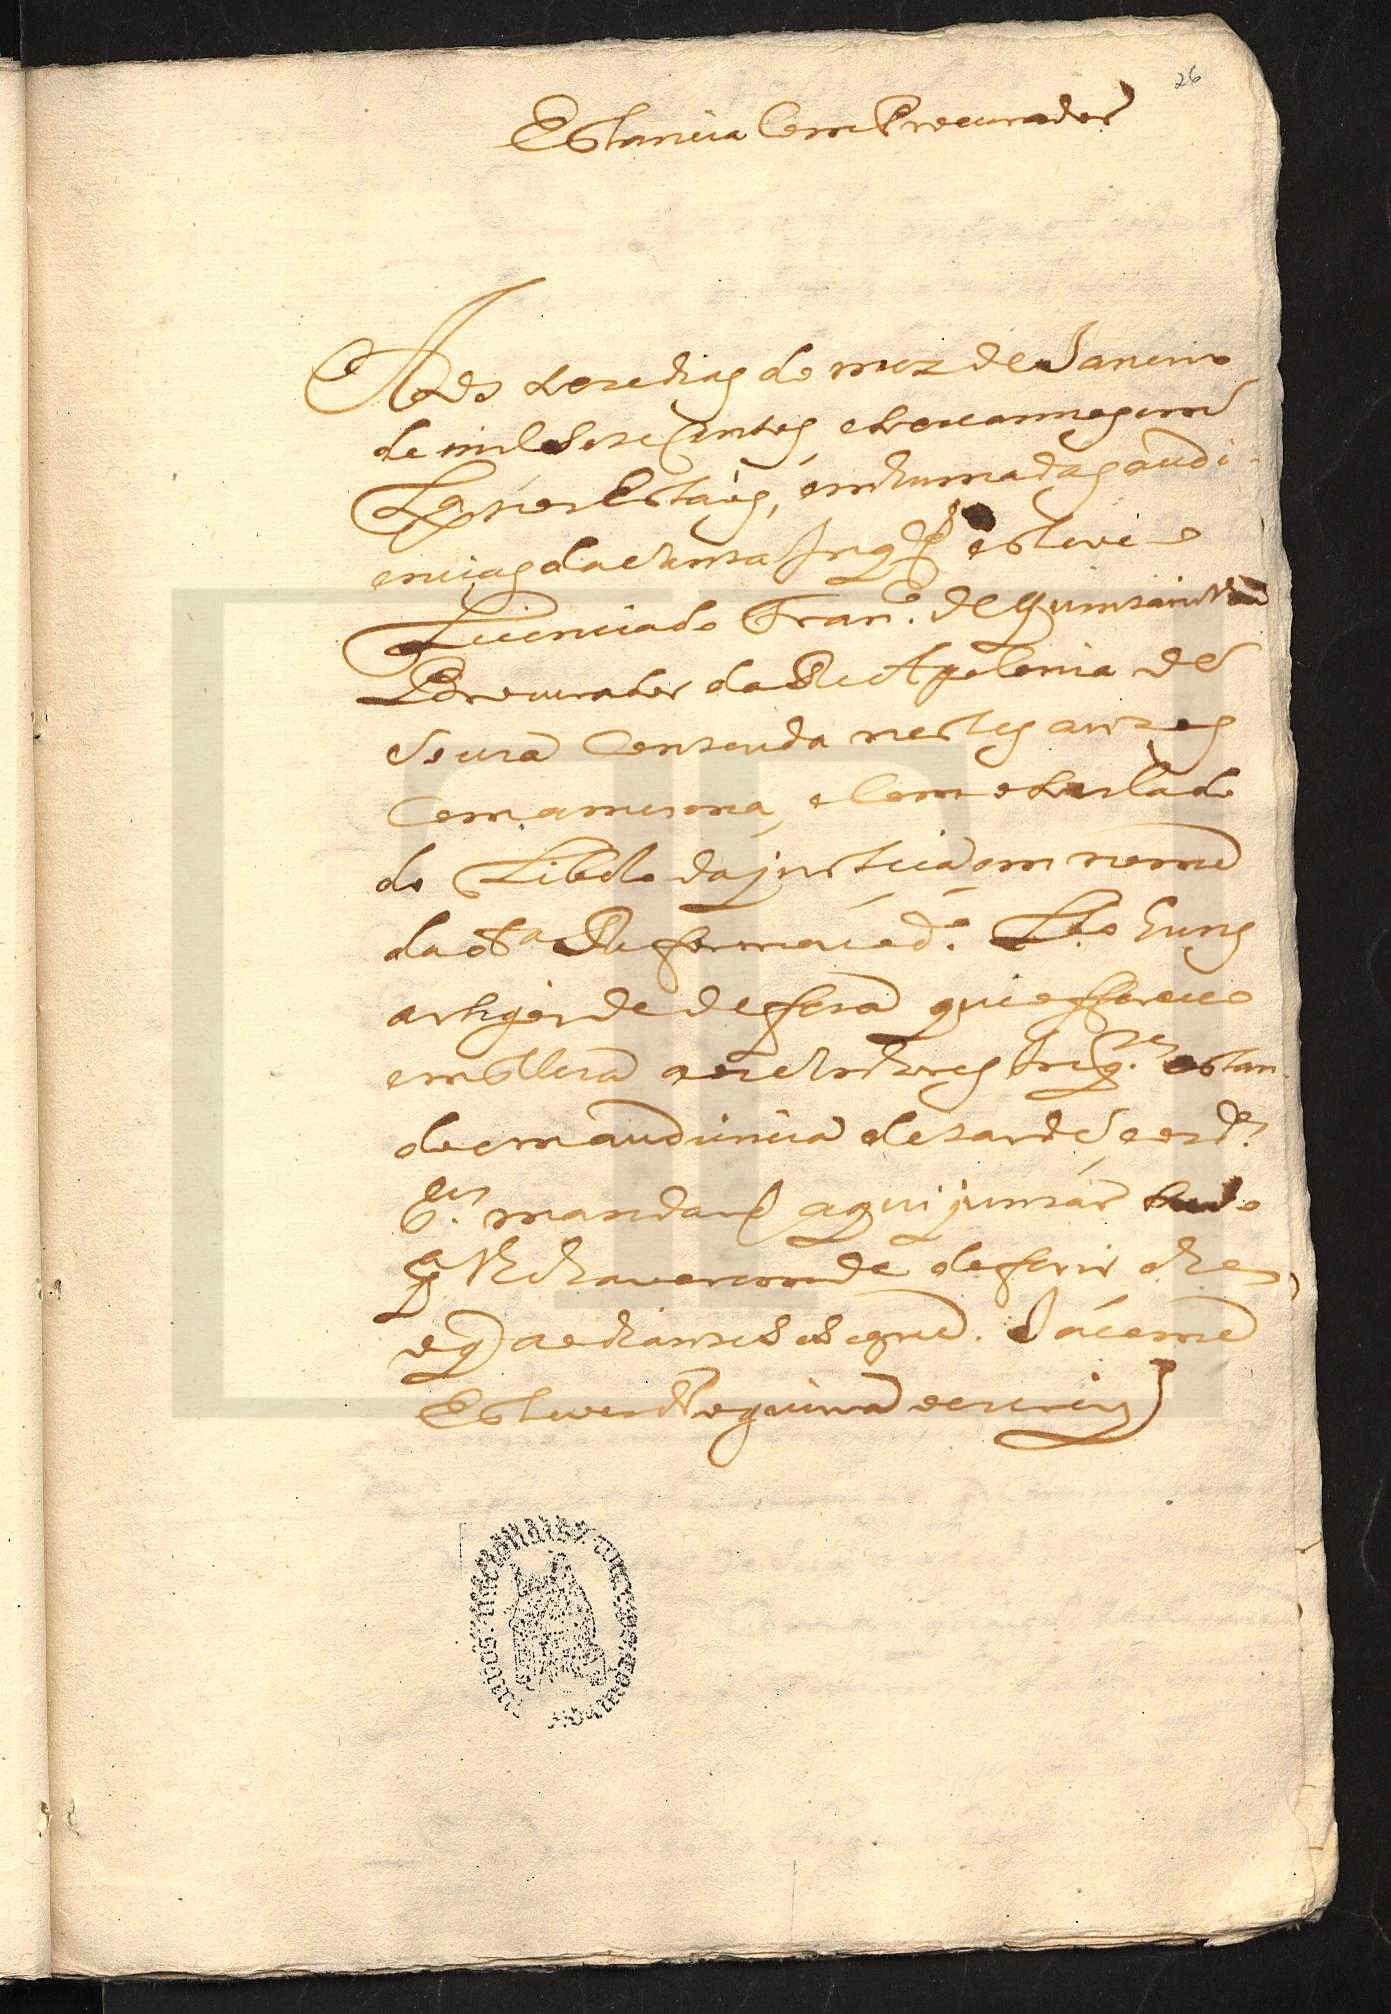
Estancia Com Procurador
Aos treze dias do mez de Ianeiro
de mil seteCentos, e treze annos em
Lxa nos Estaos, em huma das audi
encias da santa Jnqçaõ esteve o
Licenciado Franco de quintanilha
Procurador da Re Apolonia de
Souza conteuda nestes autos
com a mesma, e com o traslado
do Libelo da justiça em nome
da d̄a Reformou o d.o Ld.o huns
artigos de defeza que offereceo
em Meza aos Senhores Inq.res estan
do em audiencia de tarde, e os d.os
s.res mandarā aqui juntar tudo
pa lhe haveram de deferir e he
o q̄ ao diante se segue. Iácome
Esteves Nogueira o escreuj
